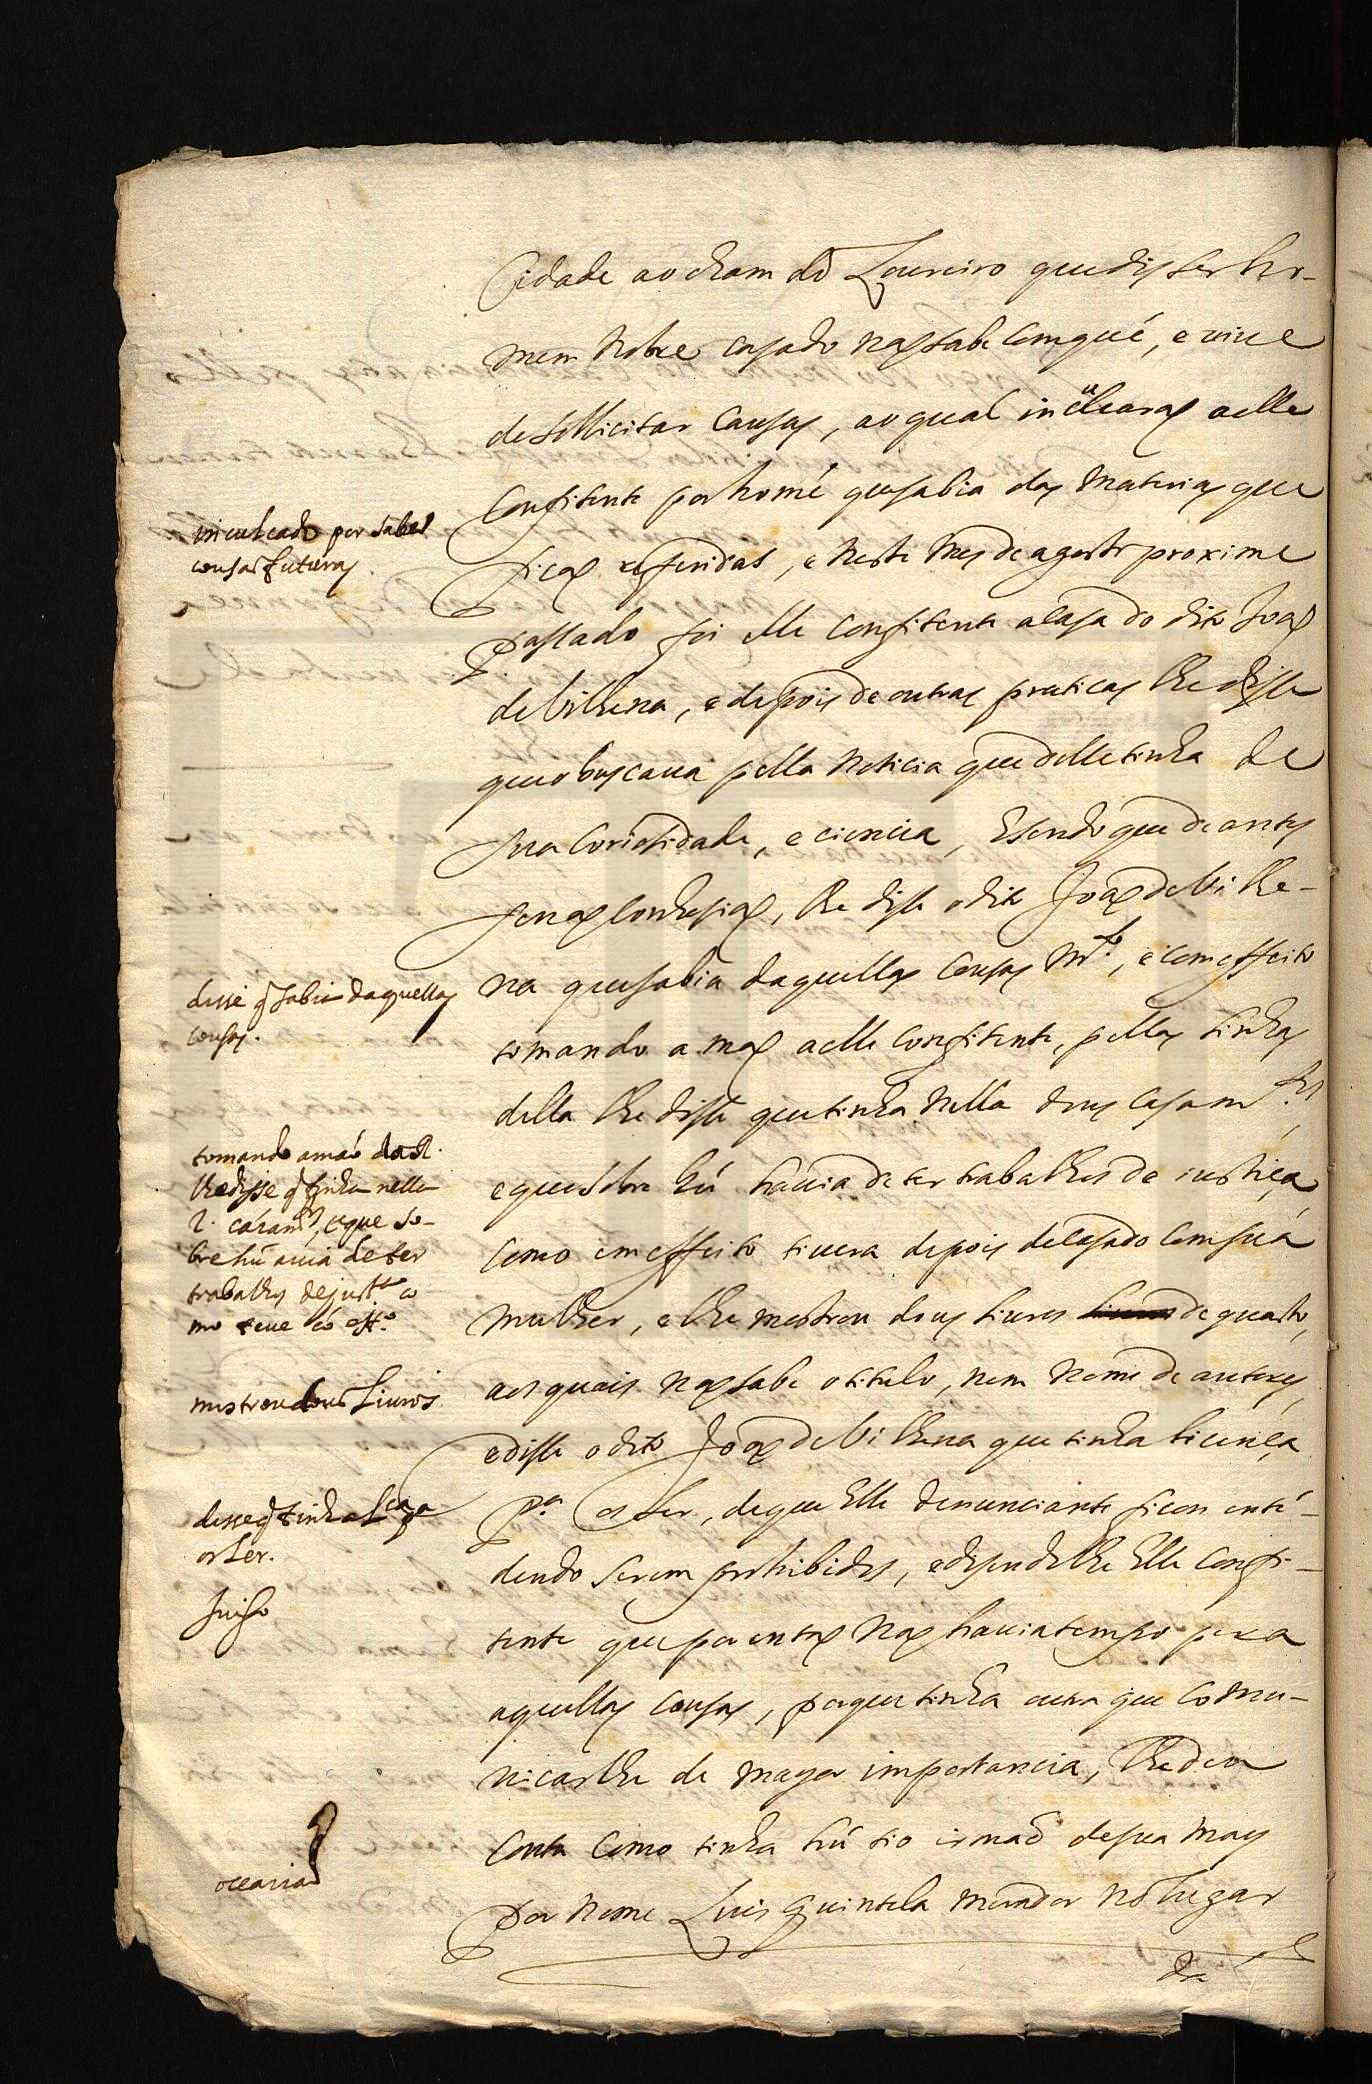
inculcado por saber
cousas futuras
disse q̄ sabia daquellas
cousas.
tomando a maõ da R.
lhe disse q̄ tinha nella
2. cazam.tos, e que so
bre hū auia de ter
trabalhos de just.a co
mo teue cō eff.o
mostrou dous Liuros
disse q̄ tinha Lca pa
os Ler.
Juiso
occaziaõ
Cidade ao cham do Loureiro que dis ser ho
mem nobre casado naõ sabe com quē, e viue
de sollicitar causas, ao qual inculcaraõ a elle
Confitente por homē que sabia das materias que
ficaõ referidas, e neste mes de agosto proxime
passado foi elle confitente a casa do dito Joaõ
de Vilhena, e depois de outras praticas lhe disse
que o buscaua pella noticia que delle tinha de
sua Coriosidade, e ciencia, E sendo que de antes
se naõ conhesiaõ, lhe disse o dito Joaõ de Vilhe
na que sabia daquellas cousas m.to, e com effeito
tomando a maõ a elle confitente, pellas linhas
della lhe disse que tinha nella dous casam.tos
e que sobre hū hauia de ter trabalhos de iustiça
como em effeito tiuera depois de casado com sua
mulher, e lhe mostrou dous liuros Liuros de quarto,
aos quais naõ sabe o titulo, nem nome de autores
e disse o dito Joaõ de Vilhena que tinha licença
p.a os Ler, de que Elle denunciante ficou entē
dendo serem prohibidos, e disendolhe Elle confi
tente que por entaõ naõ hauia tempo pera
aquellas cousas, porque tinha outra que comu
nicarlhe de mayor importancia, lhe deu
Conta como tinha hū tio irmaõ de sua may
por nome Luis quintela morador no lugar
da
